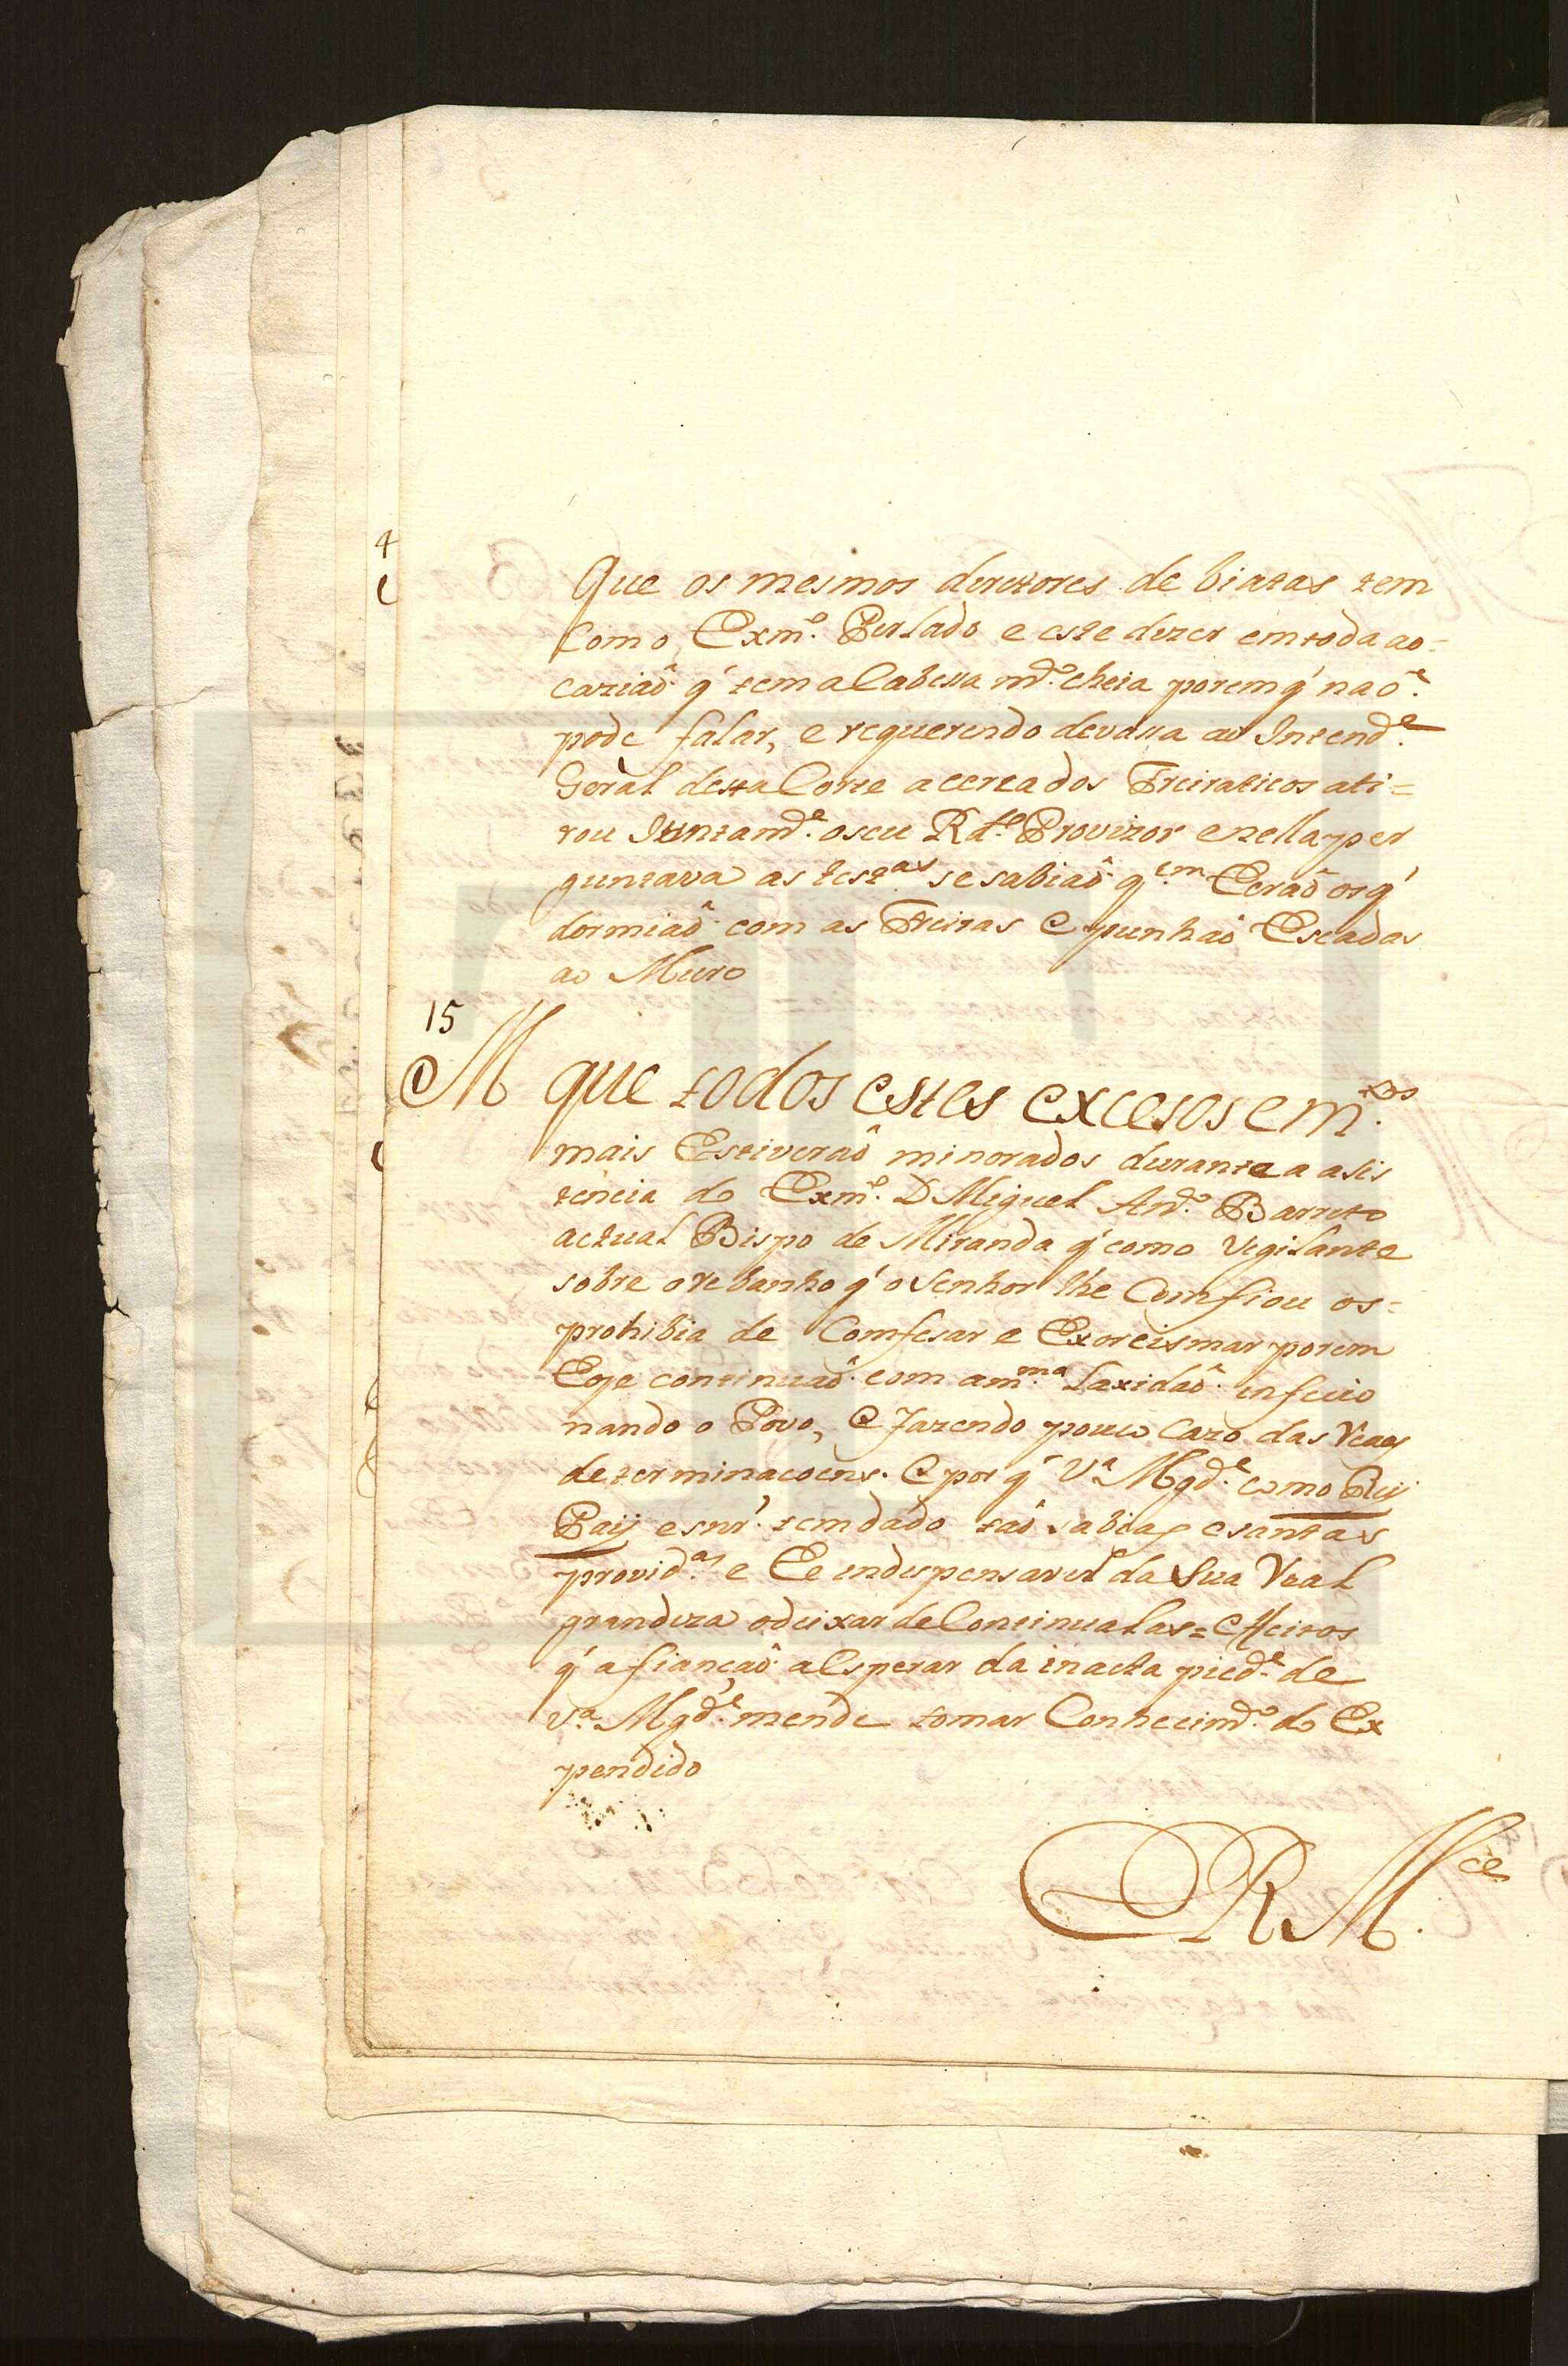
15
M
que os mesmos diretores de biatas tem
Como exm.o PerLado e este dizer em toda a o
caziaõ q̄ tem a Cabessa m.to cheia porem q̄ naõ
pode faLar, e requerendo devassa ao Intend.e
Geral desta Corte acerca dos Freiraticos ati
rou juntam.te o seu Rd̄.o Provizor e nella per
guntava as test.as se sabiaõ q.em heraõ os q̄
dormiaõ com as Freiras e punhaõ Escadas
ao Muro
que todos estes excesos e m.tos
mais Estiveraõ minorados durante a asis
tencia do Exm.o D Miguel An.to Barreto
actuaL Bispo de Miranda q̄ como vigiLante
sobre o rebanho q̄ o senhor lhe Comfiou os
prohibia de Comfesar e Exorcismar porem
hoje continuaõ com a m.ma Laxidaõ infecio
nando o Povo, e fazendo pouco cazo das reaes
determinaçoens. e por q̄ V.a Mgd.e como Rey
Pay e snr̄ tem dado taõ sabias e santas
provid.as e he indespensavel da Sua real
grandeza o deixar de ContinuaLas = effeitos
q̄ a fiançaõ a esperar da inacta pied.e de
v.a Mgd.e mende tomar Conhecim.to do Ex
pendido
E R M.ce
